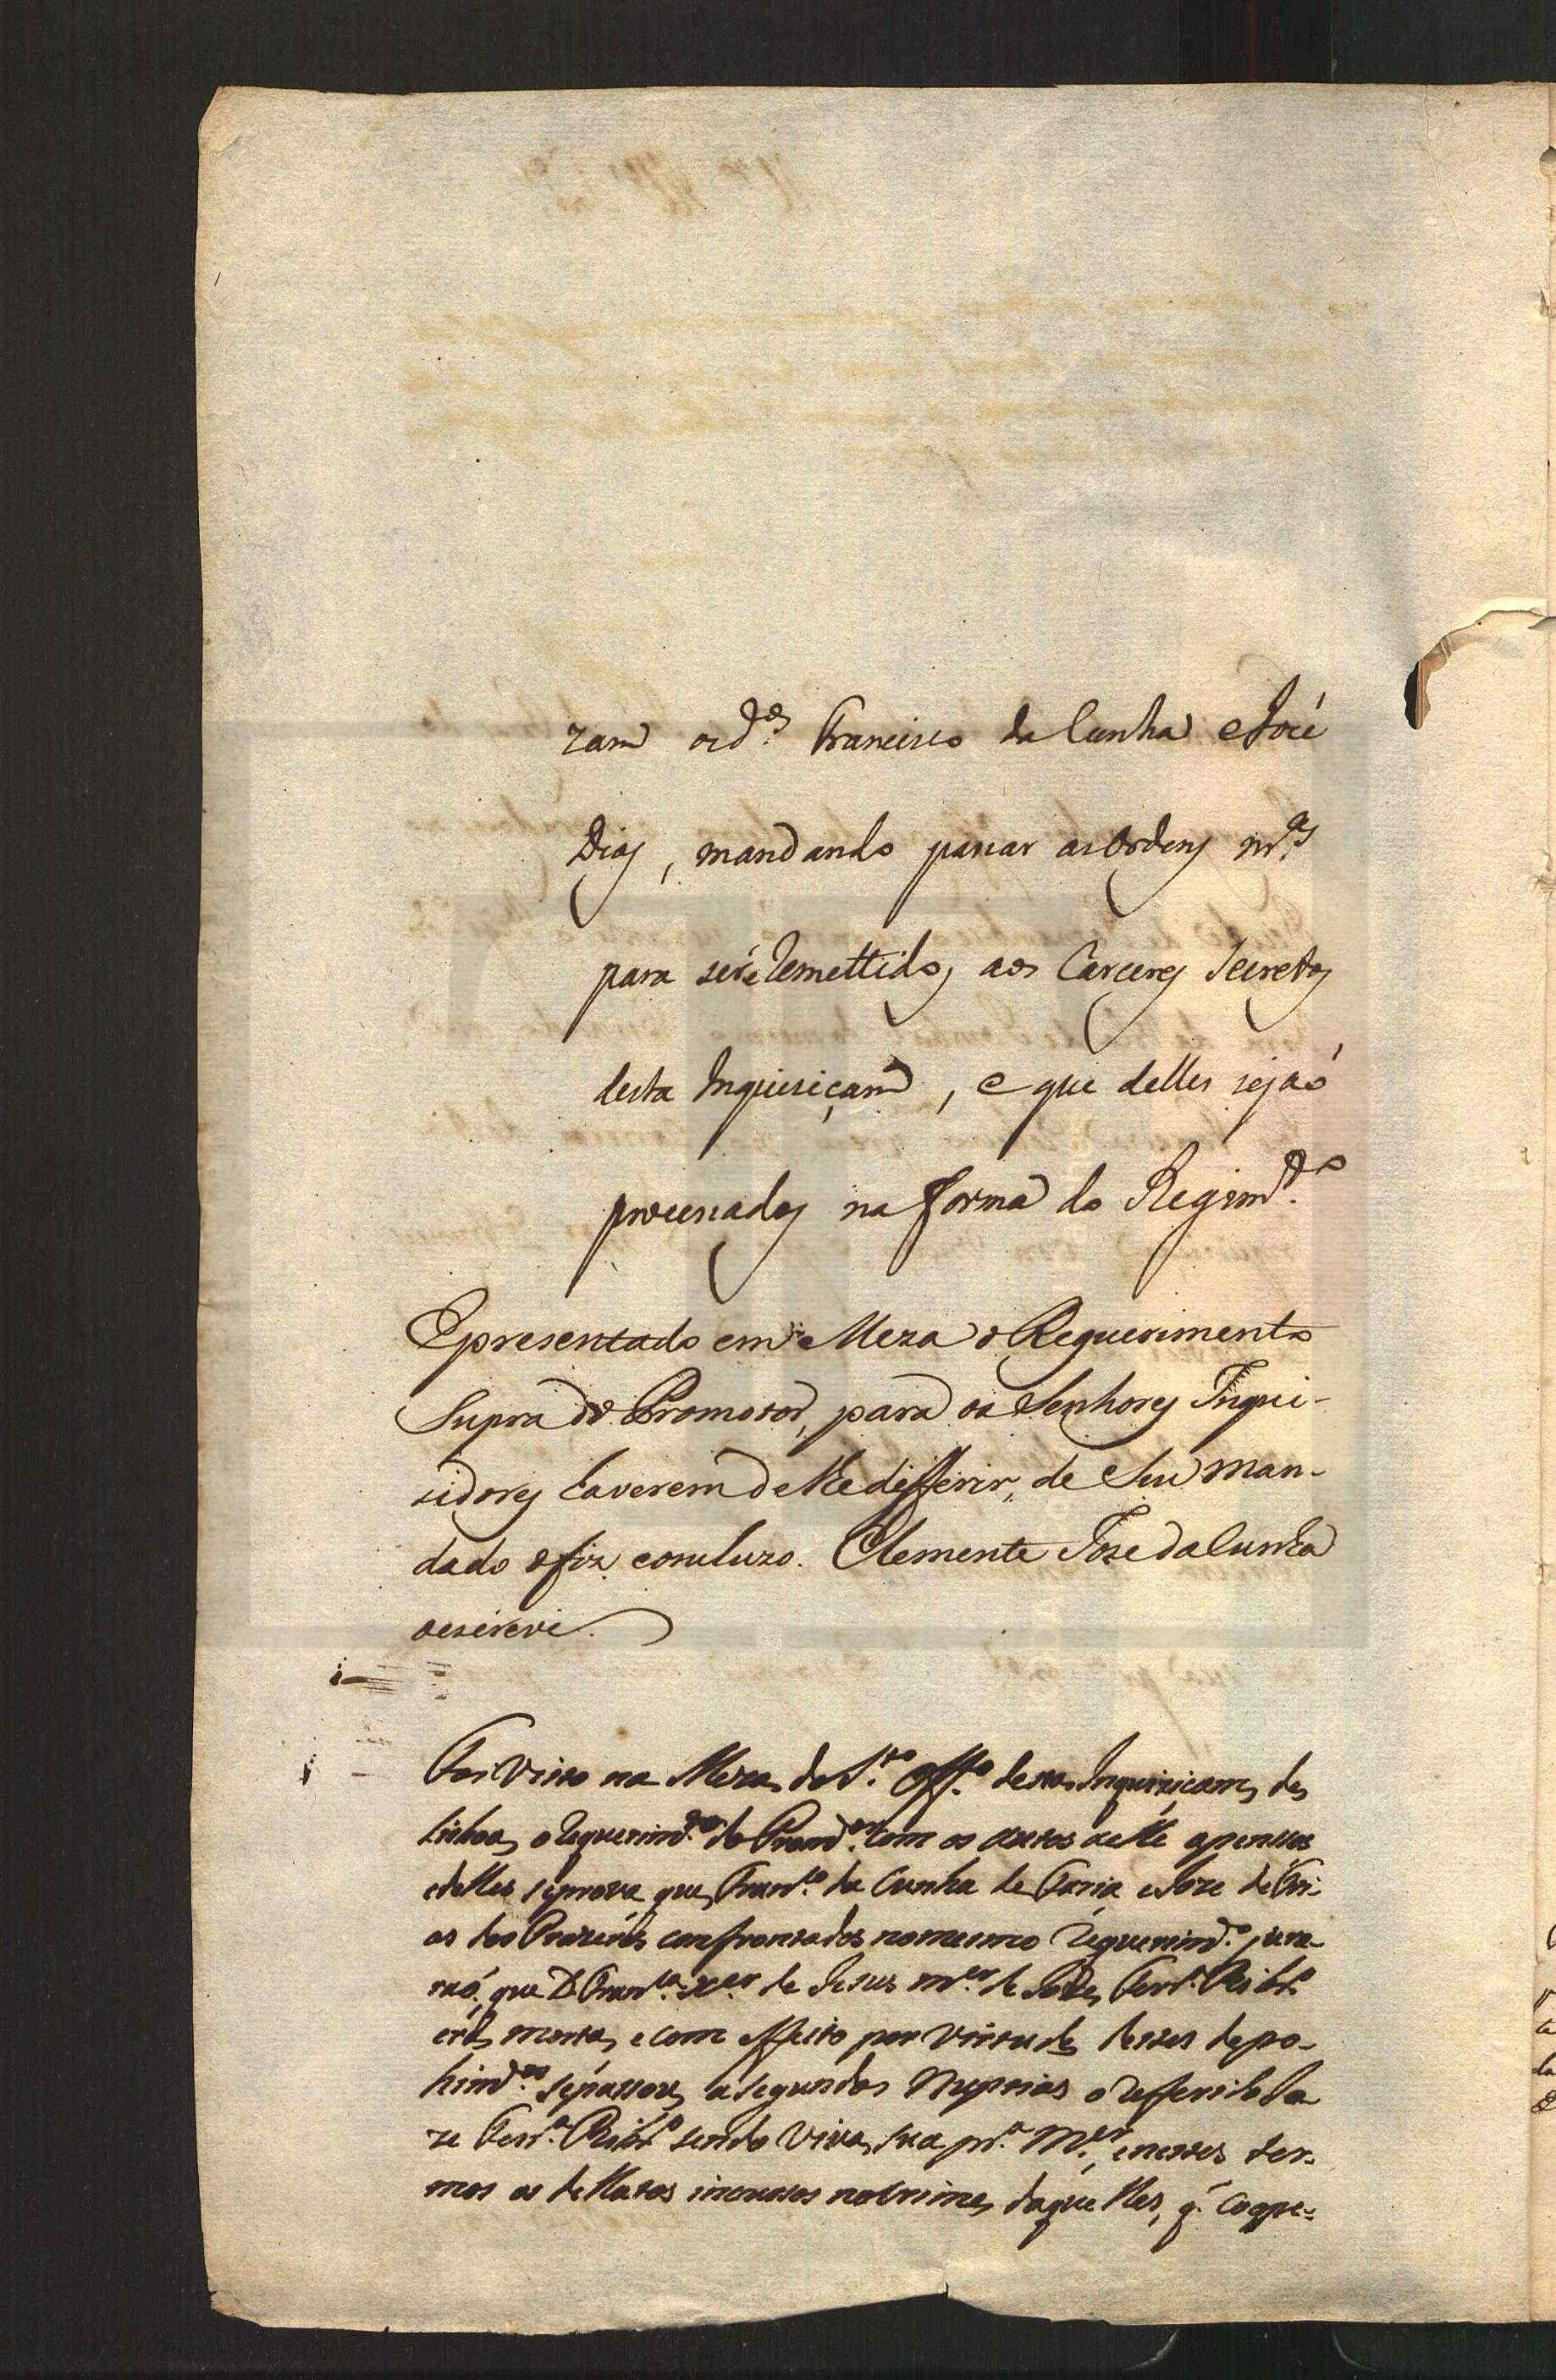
zam os d.os Francisco da Cunha e Iozé
Dias, mandando passar as Ordens nr.as
para serē Remettidos aos Carceres Secretos
desta Inquiziçam, e que delles sejaõ
processados na forma do Regim.to
E presentado em Meza o Requerimento
Supra do Promotor, para os Senhores Inqui
sidores haverem de lhe defferir, de Seu man
dado o fiz concluzo. Clemente Iose da Cunha
o escrevi.
Foi Visto na Meza do S.to Off.o desta Inquiziçam de
Lisboa o Requerim.to do Prom.or com os autos a elle apenssos
e delles se prova, que Fran.co da Cunha de Faria, e Ioze de Fri
as dos Prazeres confrontados no mesmo Requerim.to jura
raõ; que D. Fran.ca X.er de Iesus m.er de Ioze Ferr.a Ribr.o
era morta, e com effeito por virtude desses depo
him.tos se passou a segundas nuptias o referido Io
ze Ferr.a Ribr.o sendo viva sua pr.a m.er, e nestes ter
mos os dellatos incursos no crime daquelles, q̄ coope
